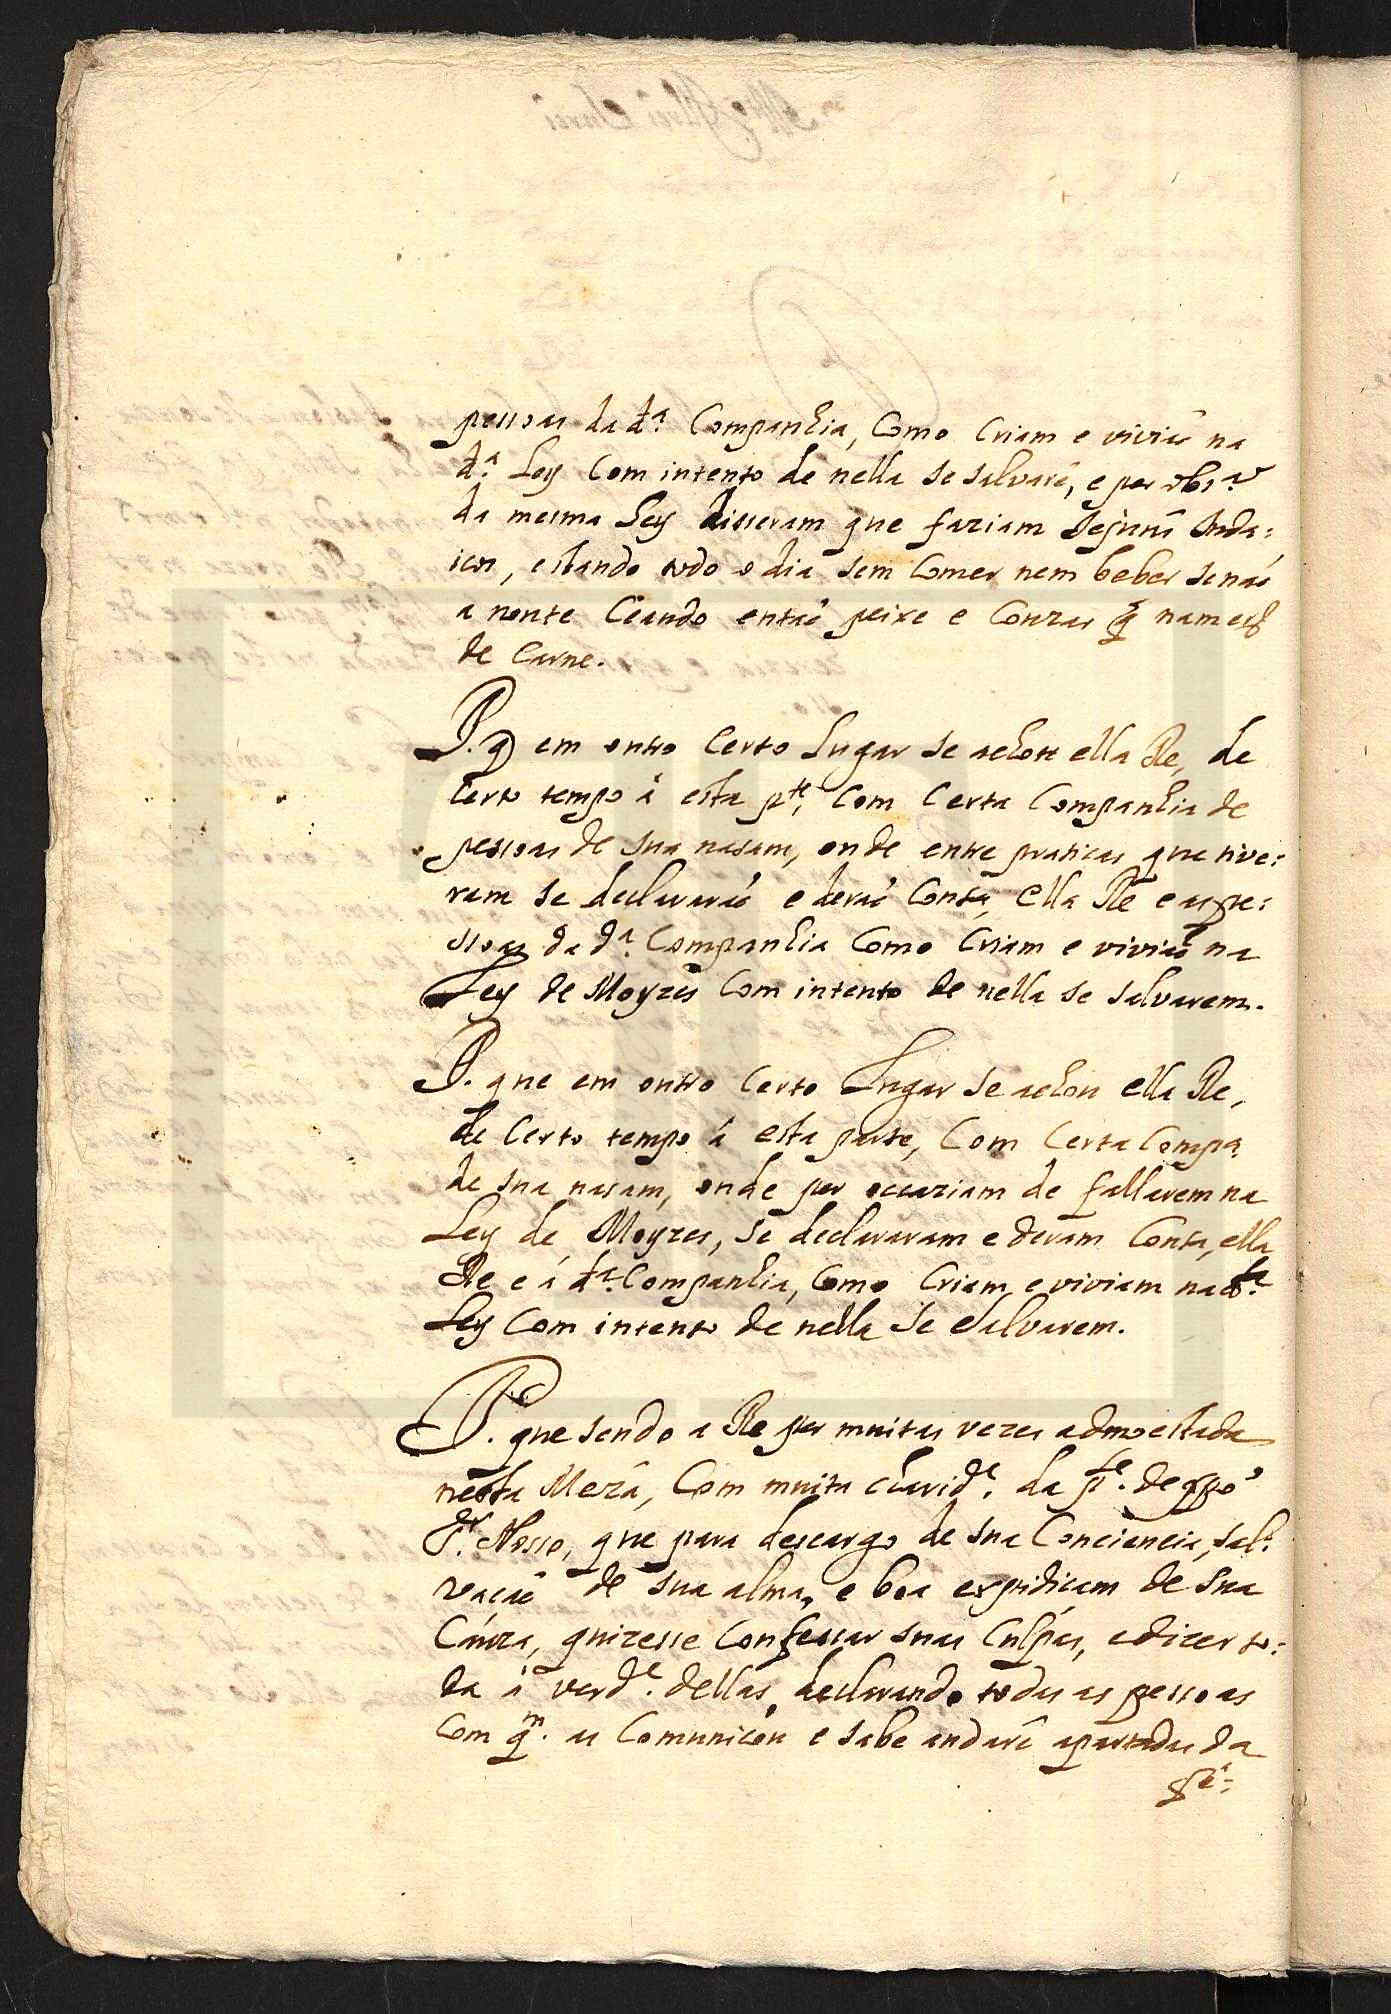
pessoas da d̄.a Companhia, como criam o viviaõ na
d̄.a Ley com intento de nella se salvarē, e por obs.ça
da mesma Ley disseram que faziam Iejuns̄ Iuda
icos, estando todo o dia sem comer nem beber senaõ
a noute Ceando entaõ peixe e couzas q̄ nam erā
de carne.
P. q̄ em outro Certo lugar se achou ella Re, de
certo tempo á esta pte, com certa Companhia de
pessoas de sua nasam, onde entre praticas que tive
ram se declararaõ e deraõ conta, ella Re e as pe
ssoas da d.a Companhia Como Criam e viviaõ na
Ley de Moyzes com intento de nella se salvarem.
P. que em outro certo Lugar se achou ella Re,
de certo tempo á esta parte, Com Certa Compa.
de sua nasam, onde por occaziam de fallarem na
Ley de Moyzes, se declararam e deram Conta, ella
Re, e á d̄a. companhia, como criam, e viviam na d̄.a
Ley com intento de nella Se Salvarem.
P.e que sendo a Re por muitas vezes admoestada
nesta Meza, Com muita charid.e da pte. de xpō
S.or Nosso, que para descargo de sua Conciencia, sal
vaçaõ de sua alma, e boa expidiçam de sua
cauza, quizesse Confessar suas Culpas, e dizer to
da à verd.e dellas, declarando todas as pessoas
com qm. as Comunicou e sabe andarē apartadas da
fé
